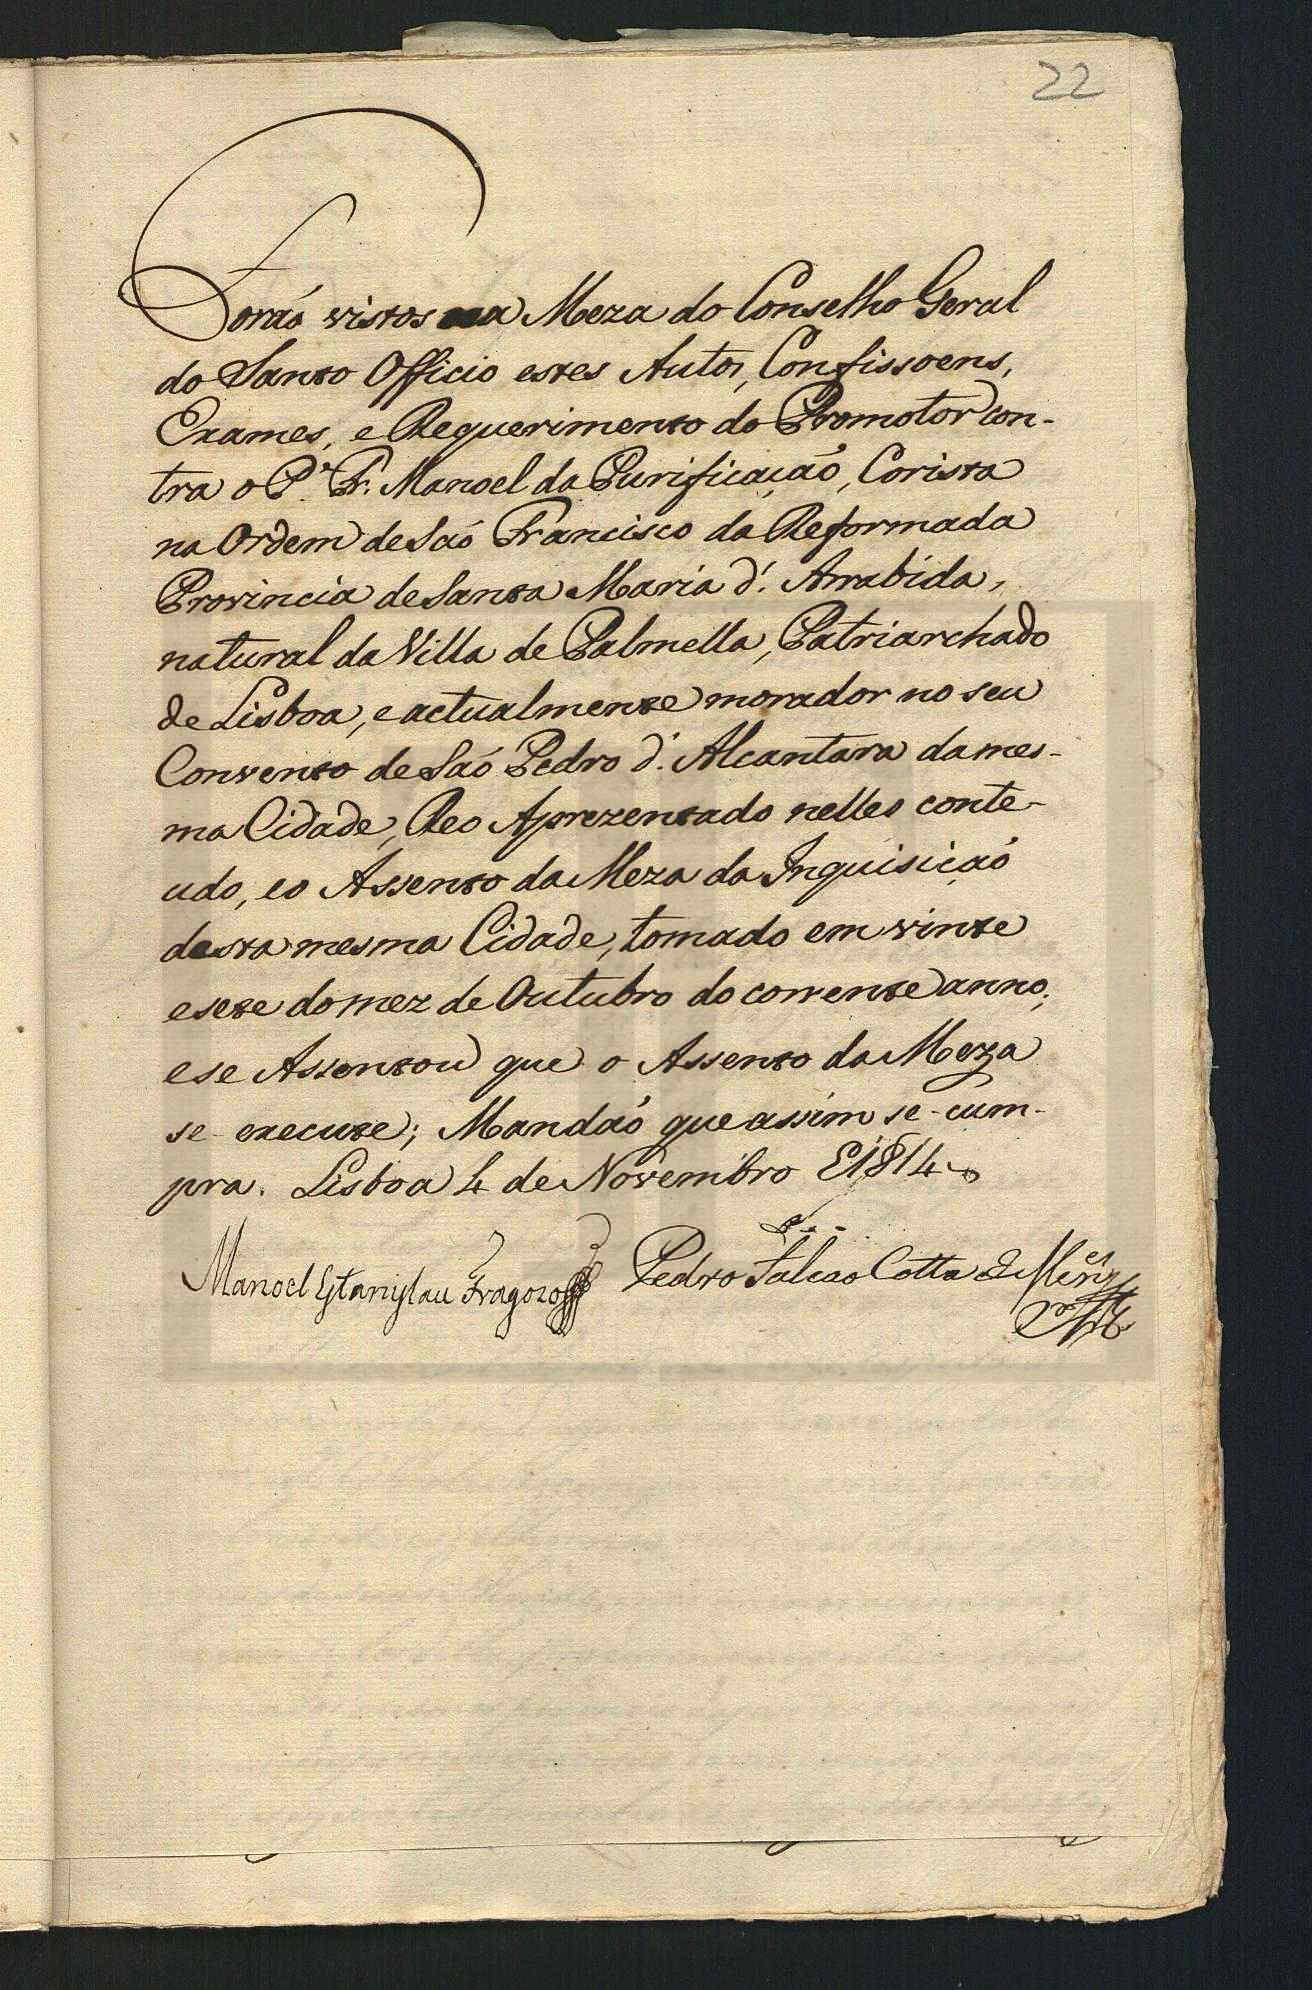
Foraõ vistos na Meza do Conselho Geral
do Santo Officio estes Autos, Confissoens,
Exames, e Requerimento do Promotor con
tra o P.e Fr. Manoel da Purificaçaõ, Corista
na Ordem de Saõ Francisco da Reformada
Provincia de Santa Maria d'Arrabida,
natural da Villa de Palmella, Patriarchado
de Lisboa, e actualmente morador no seu
Convento de Saõ Pedro d'Alcantara da mes
ma Cidade, Reo Aprezentado nelles conte
udo, e o Assento da Meza da Inquisiçaõ
desta mesma Cidade, tomado em vinte
e sete do mez de Outubro do corrente anno;
e se Assentou que o Assento da Meza
se execute; Mandaõ que assim se cum
pra. Lisboa 4 de Novembro d̄ i814
Manoel Estanilau Fragozo Pedro Falcao Cotta de Menz.es
